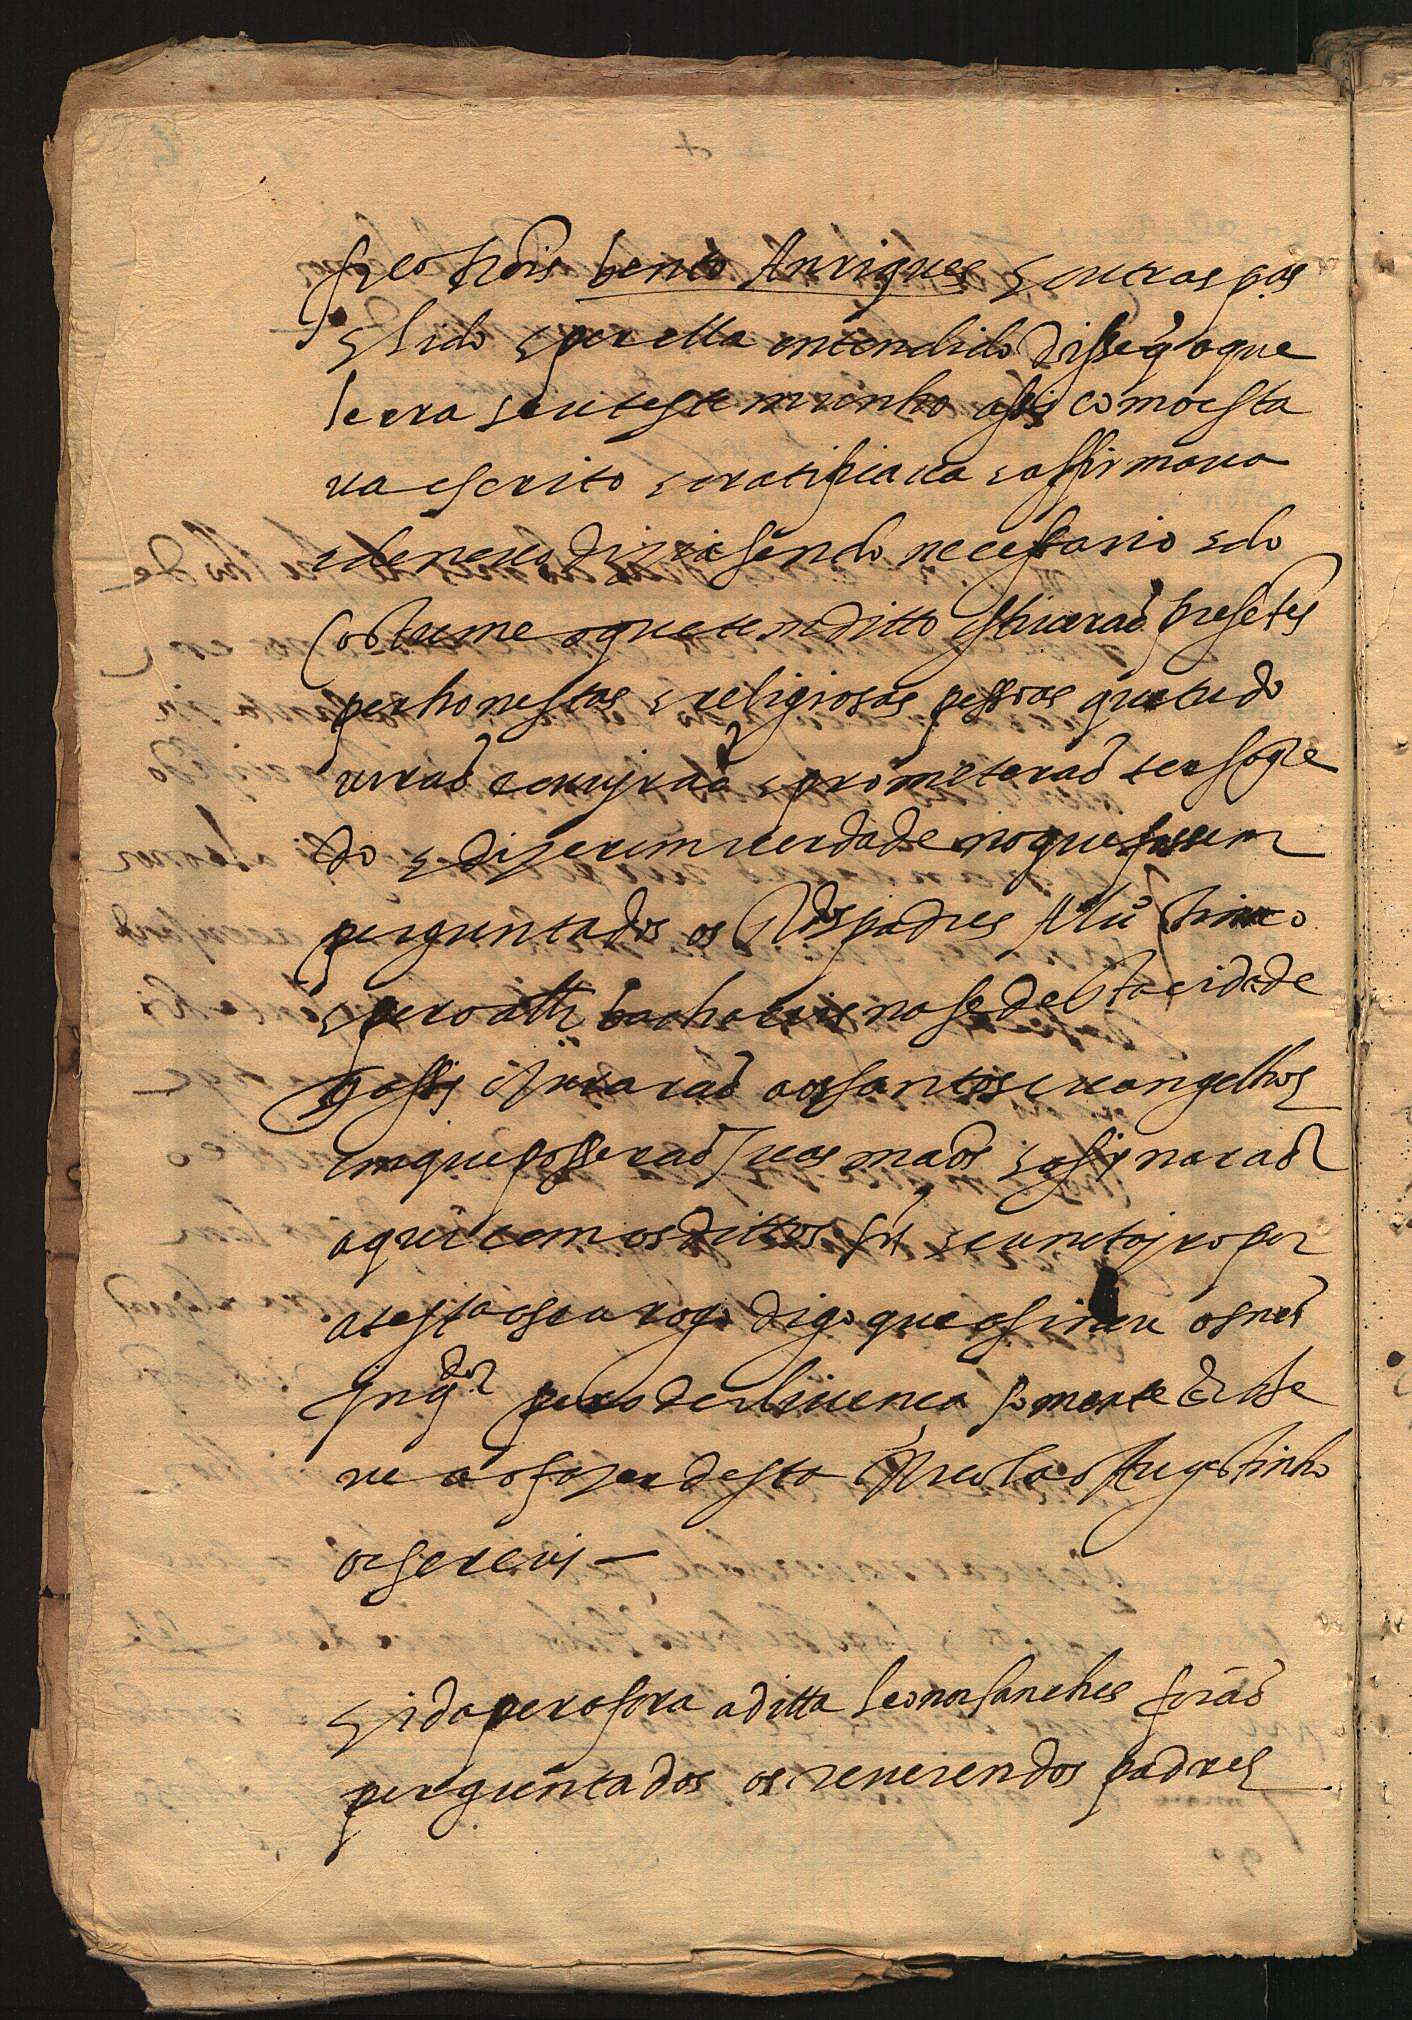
frco Rois̄ bento Anriques E outras p.as
E lido E por ella entendido disse q̄ o que
se era seu testemunho assi como esta
ua escrito E ratificaua E affirmaua
E de nouo dizia sendo necessario E do
Costume o que tem ditto estiueraõ presētes
por honestas E religiosas pessoas que tudo
uiraõ e ouujraõ E prometeraõ ter segre
do E dizerem uerdade no que fossem
perguntados os Rdos padres Aluo tinoco
E pero all̄z bachareis na se desta cidade
q̄ assy o juraraõ aos santos euangelhos
em que posseraõ suas maõs E asynaraõ
aqui com os dittos srs̄ E eu notajro por
a testa oje a rogo digo que asinou o snor̄
jnq.dor pero de oliuença somente q̄ este
ue ao fazer desta nicolao Augostinho
o escreuj
E ida pera fora a ditta Leonor Sanches foraõ
perguntados os reuerendos padres
